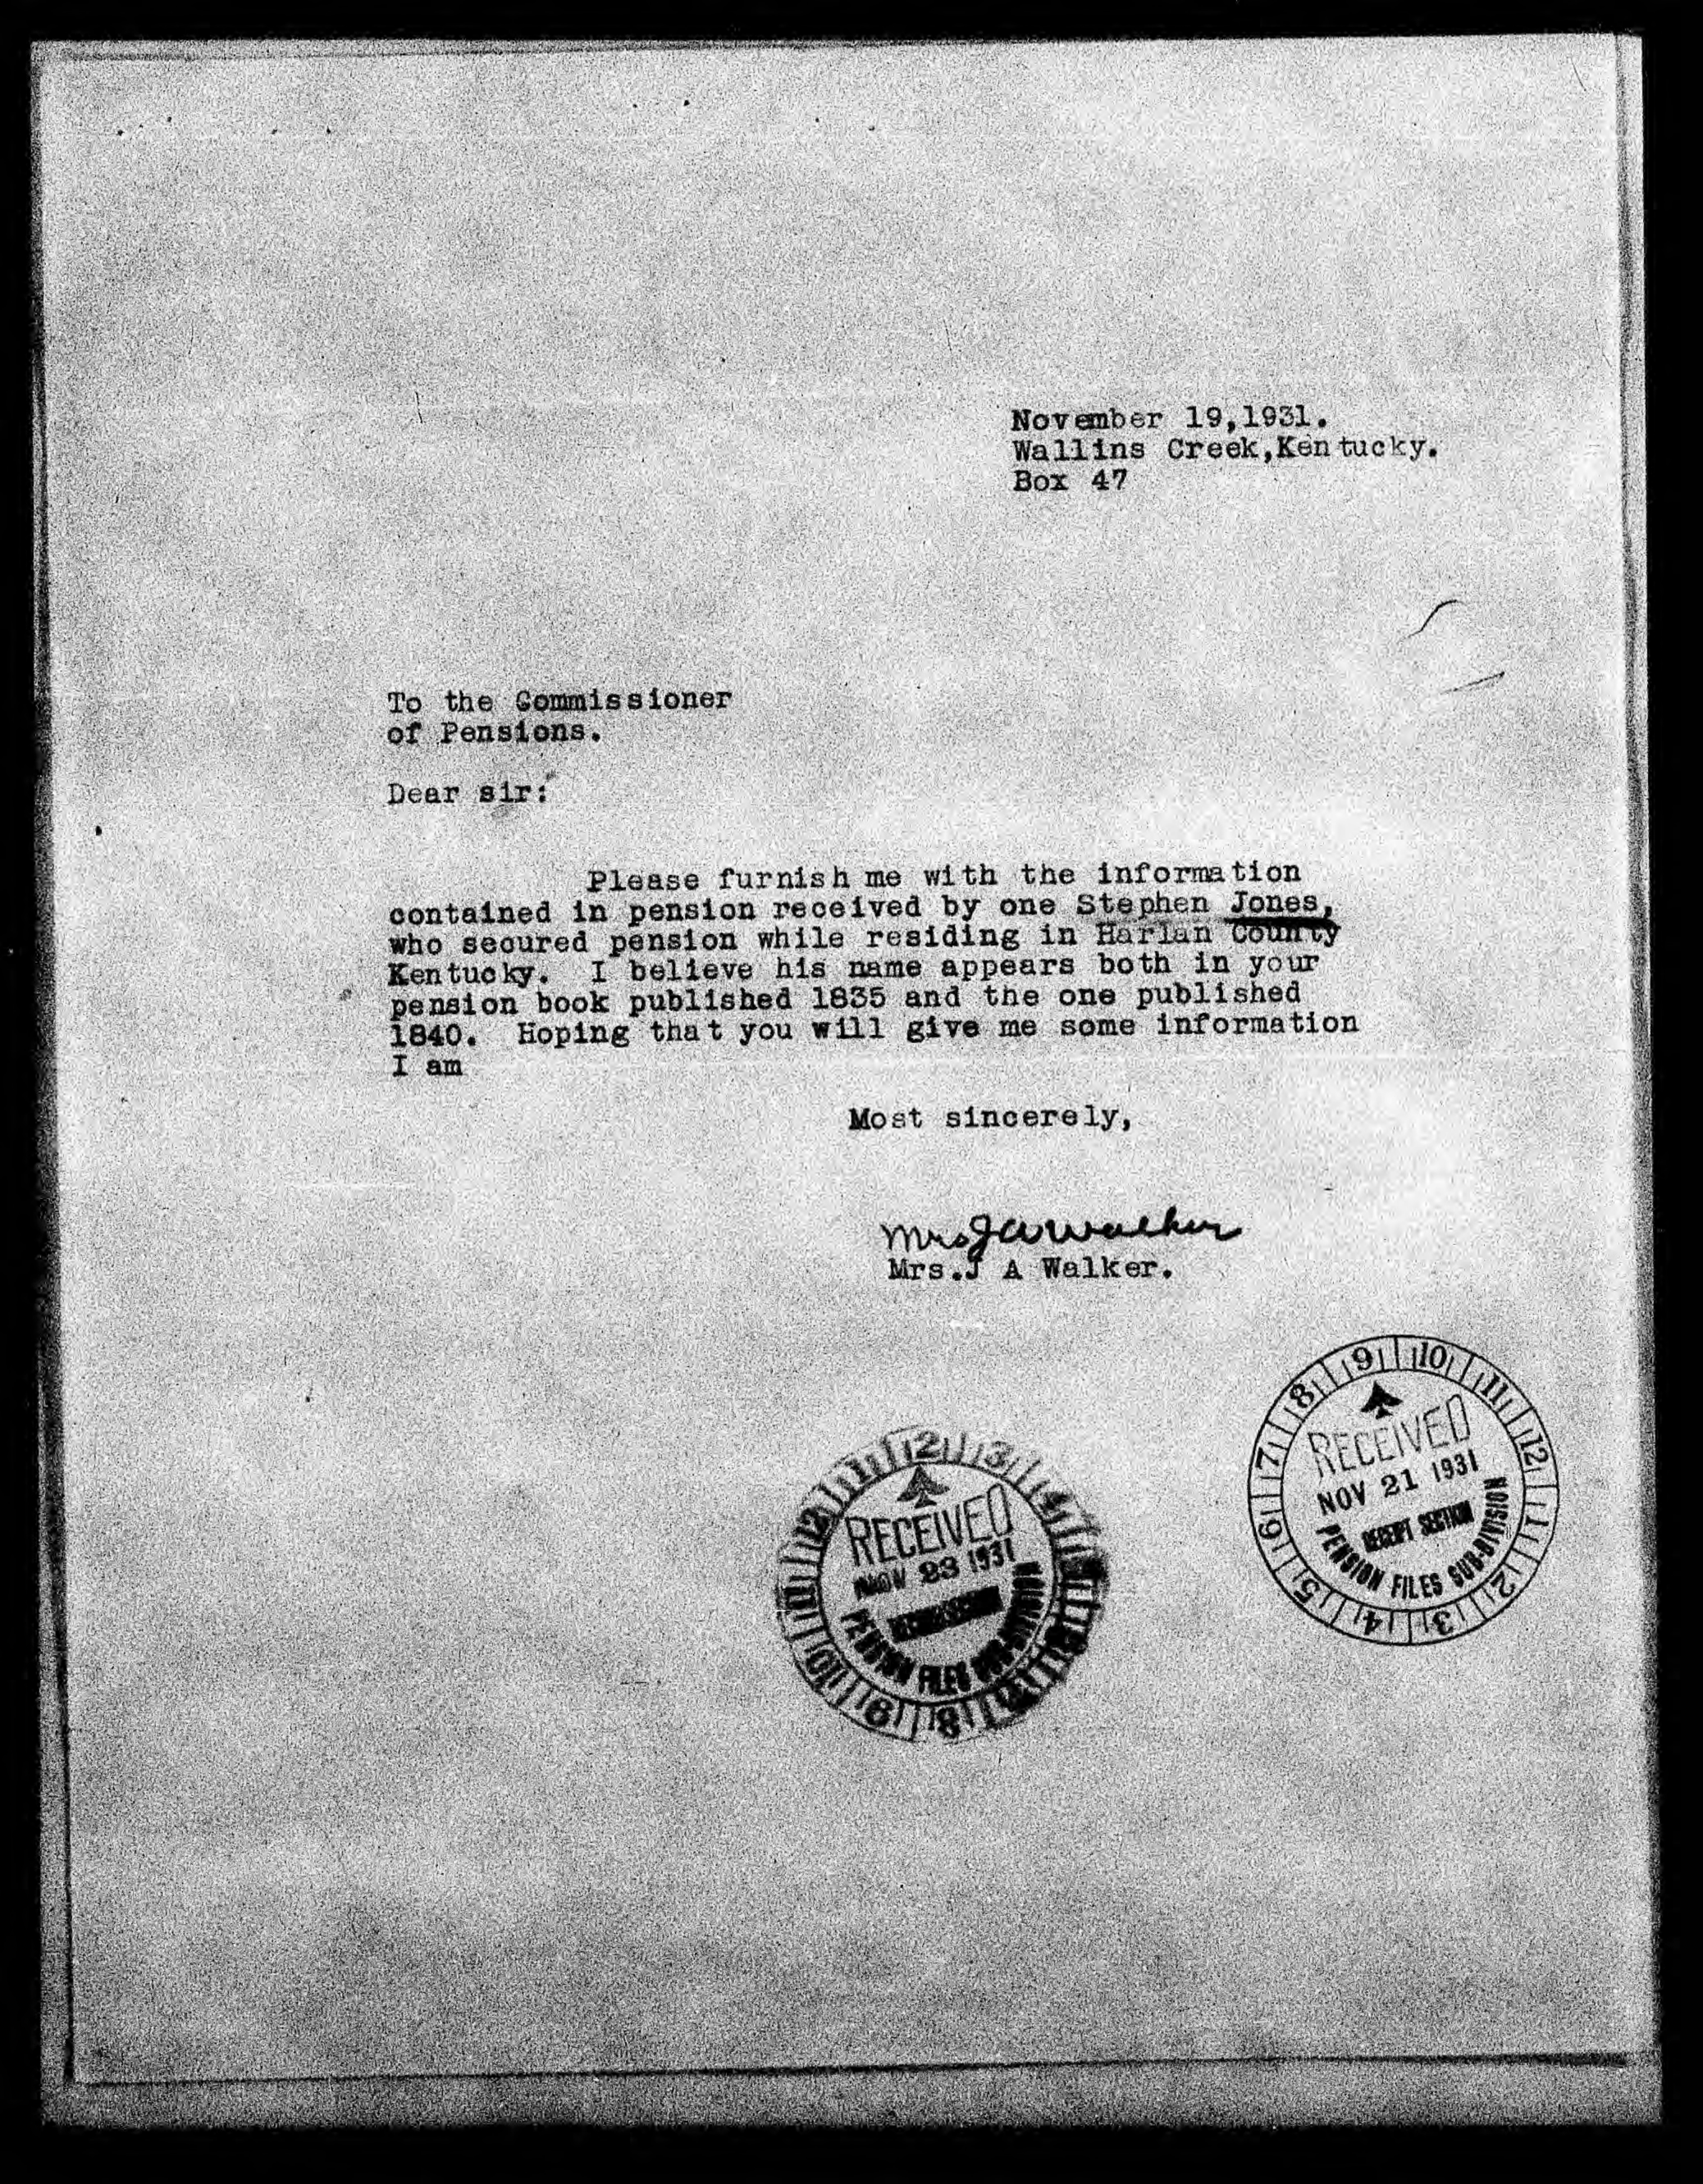November 19, 1931.
Wallins Creek, Kentucky.
Box 47

To the Commissioner
of Pensions.

Dear sir:

Please furnish me with the information 
contained in pension received by one Stephen Jones,
who secured pension while residing in Harlan County
Kentucky.  I believe his name appears both in your 
pension book published 1835 and the one published
1840.  Hoping that you will give me some information
I am

Most sincerely,

Mrs. J. A. Walker.


[date stamp]
RECEIVED
NOV 23 1931
RECEIPT SECTION 
PENSION FILES SUB-DIVISION

[date stamp]
RECEIVED
NOV 21 1931
RECEIPT SECTION 
PENSION FILES SUB-DIVISION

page: 14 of 17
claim: survivor's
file: S. 38092, for Stephen Jones, North Carolina